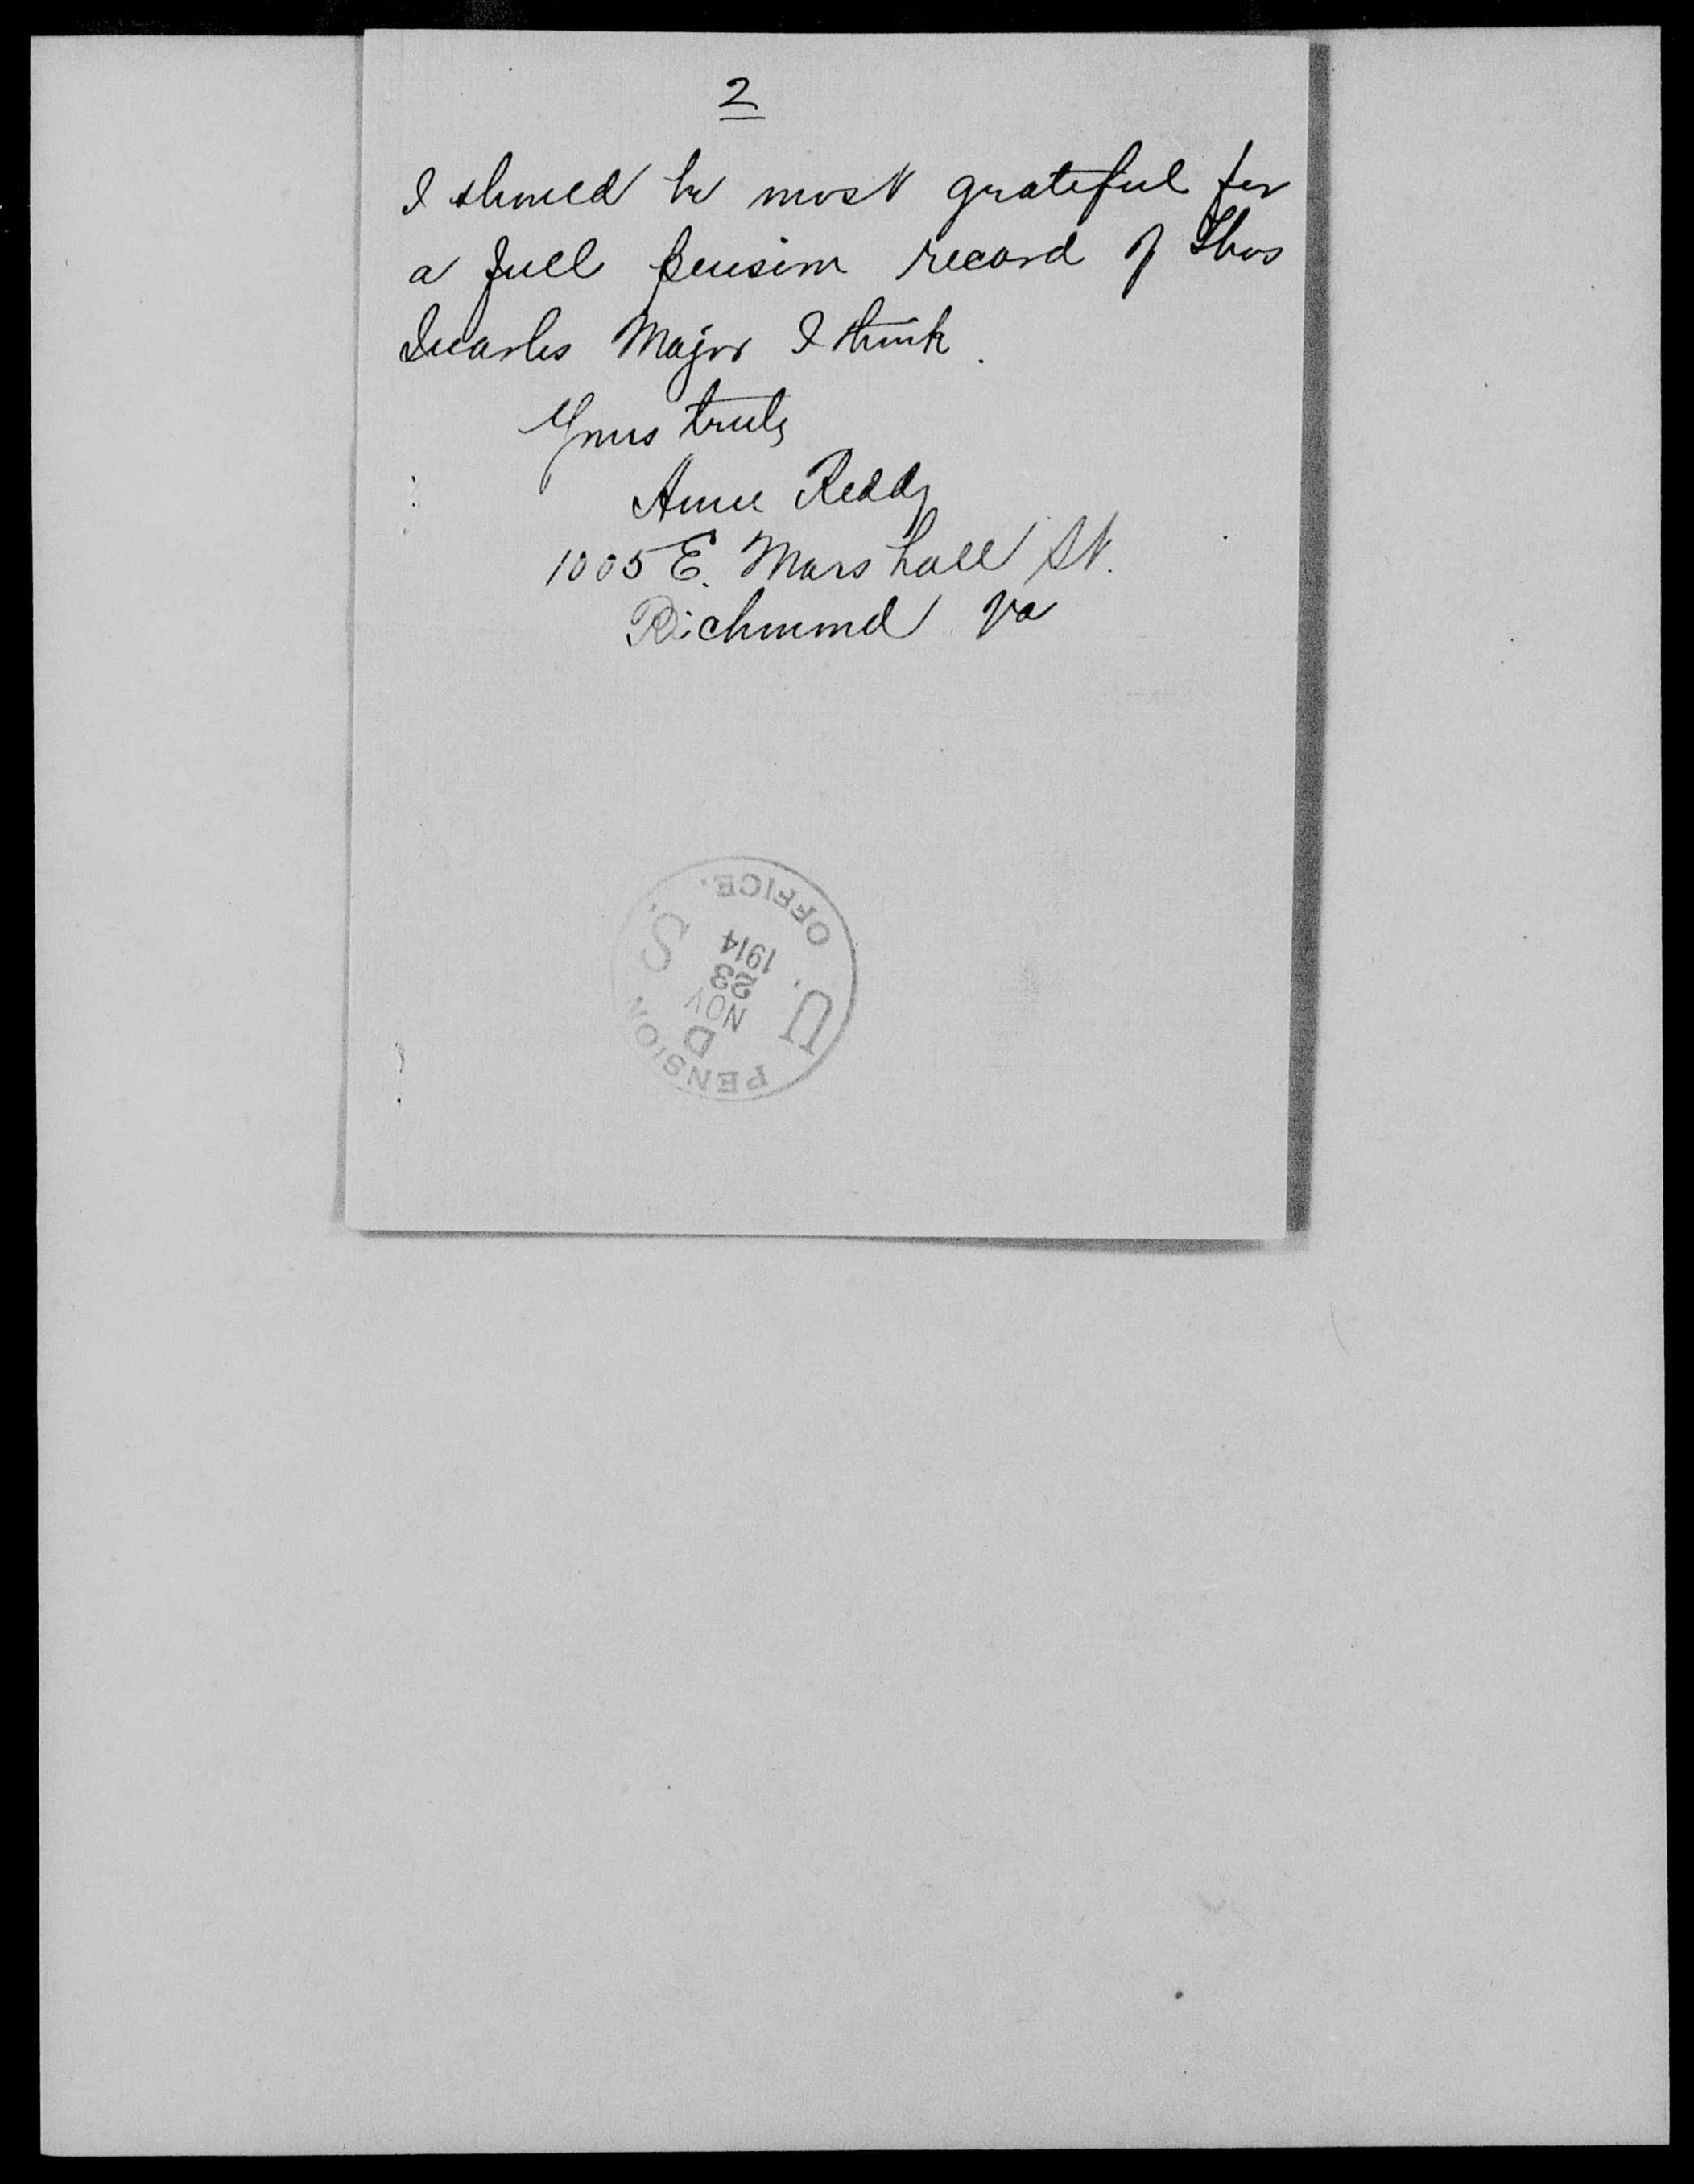2
I should be most grateful for
a full pension record of Thos
Quarles Major I think.
Yours truly,
Anne Reddy
1005 E. Marshall St.
Richmond Va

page: 21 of 22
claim: rejected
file: R. 17251, for Thomas Quarles, Virginia